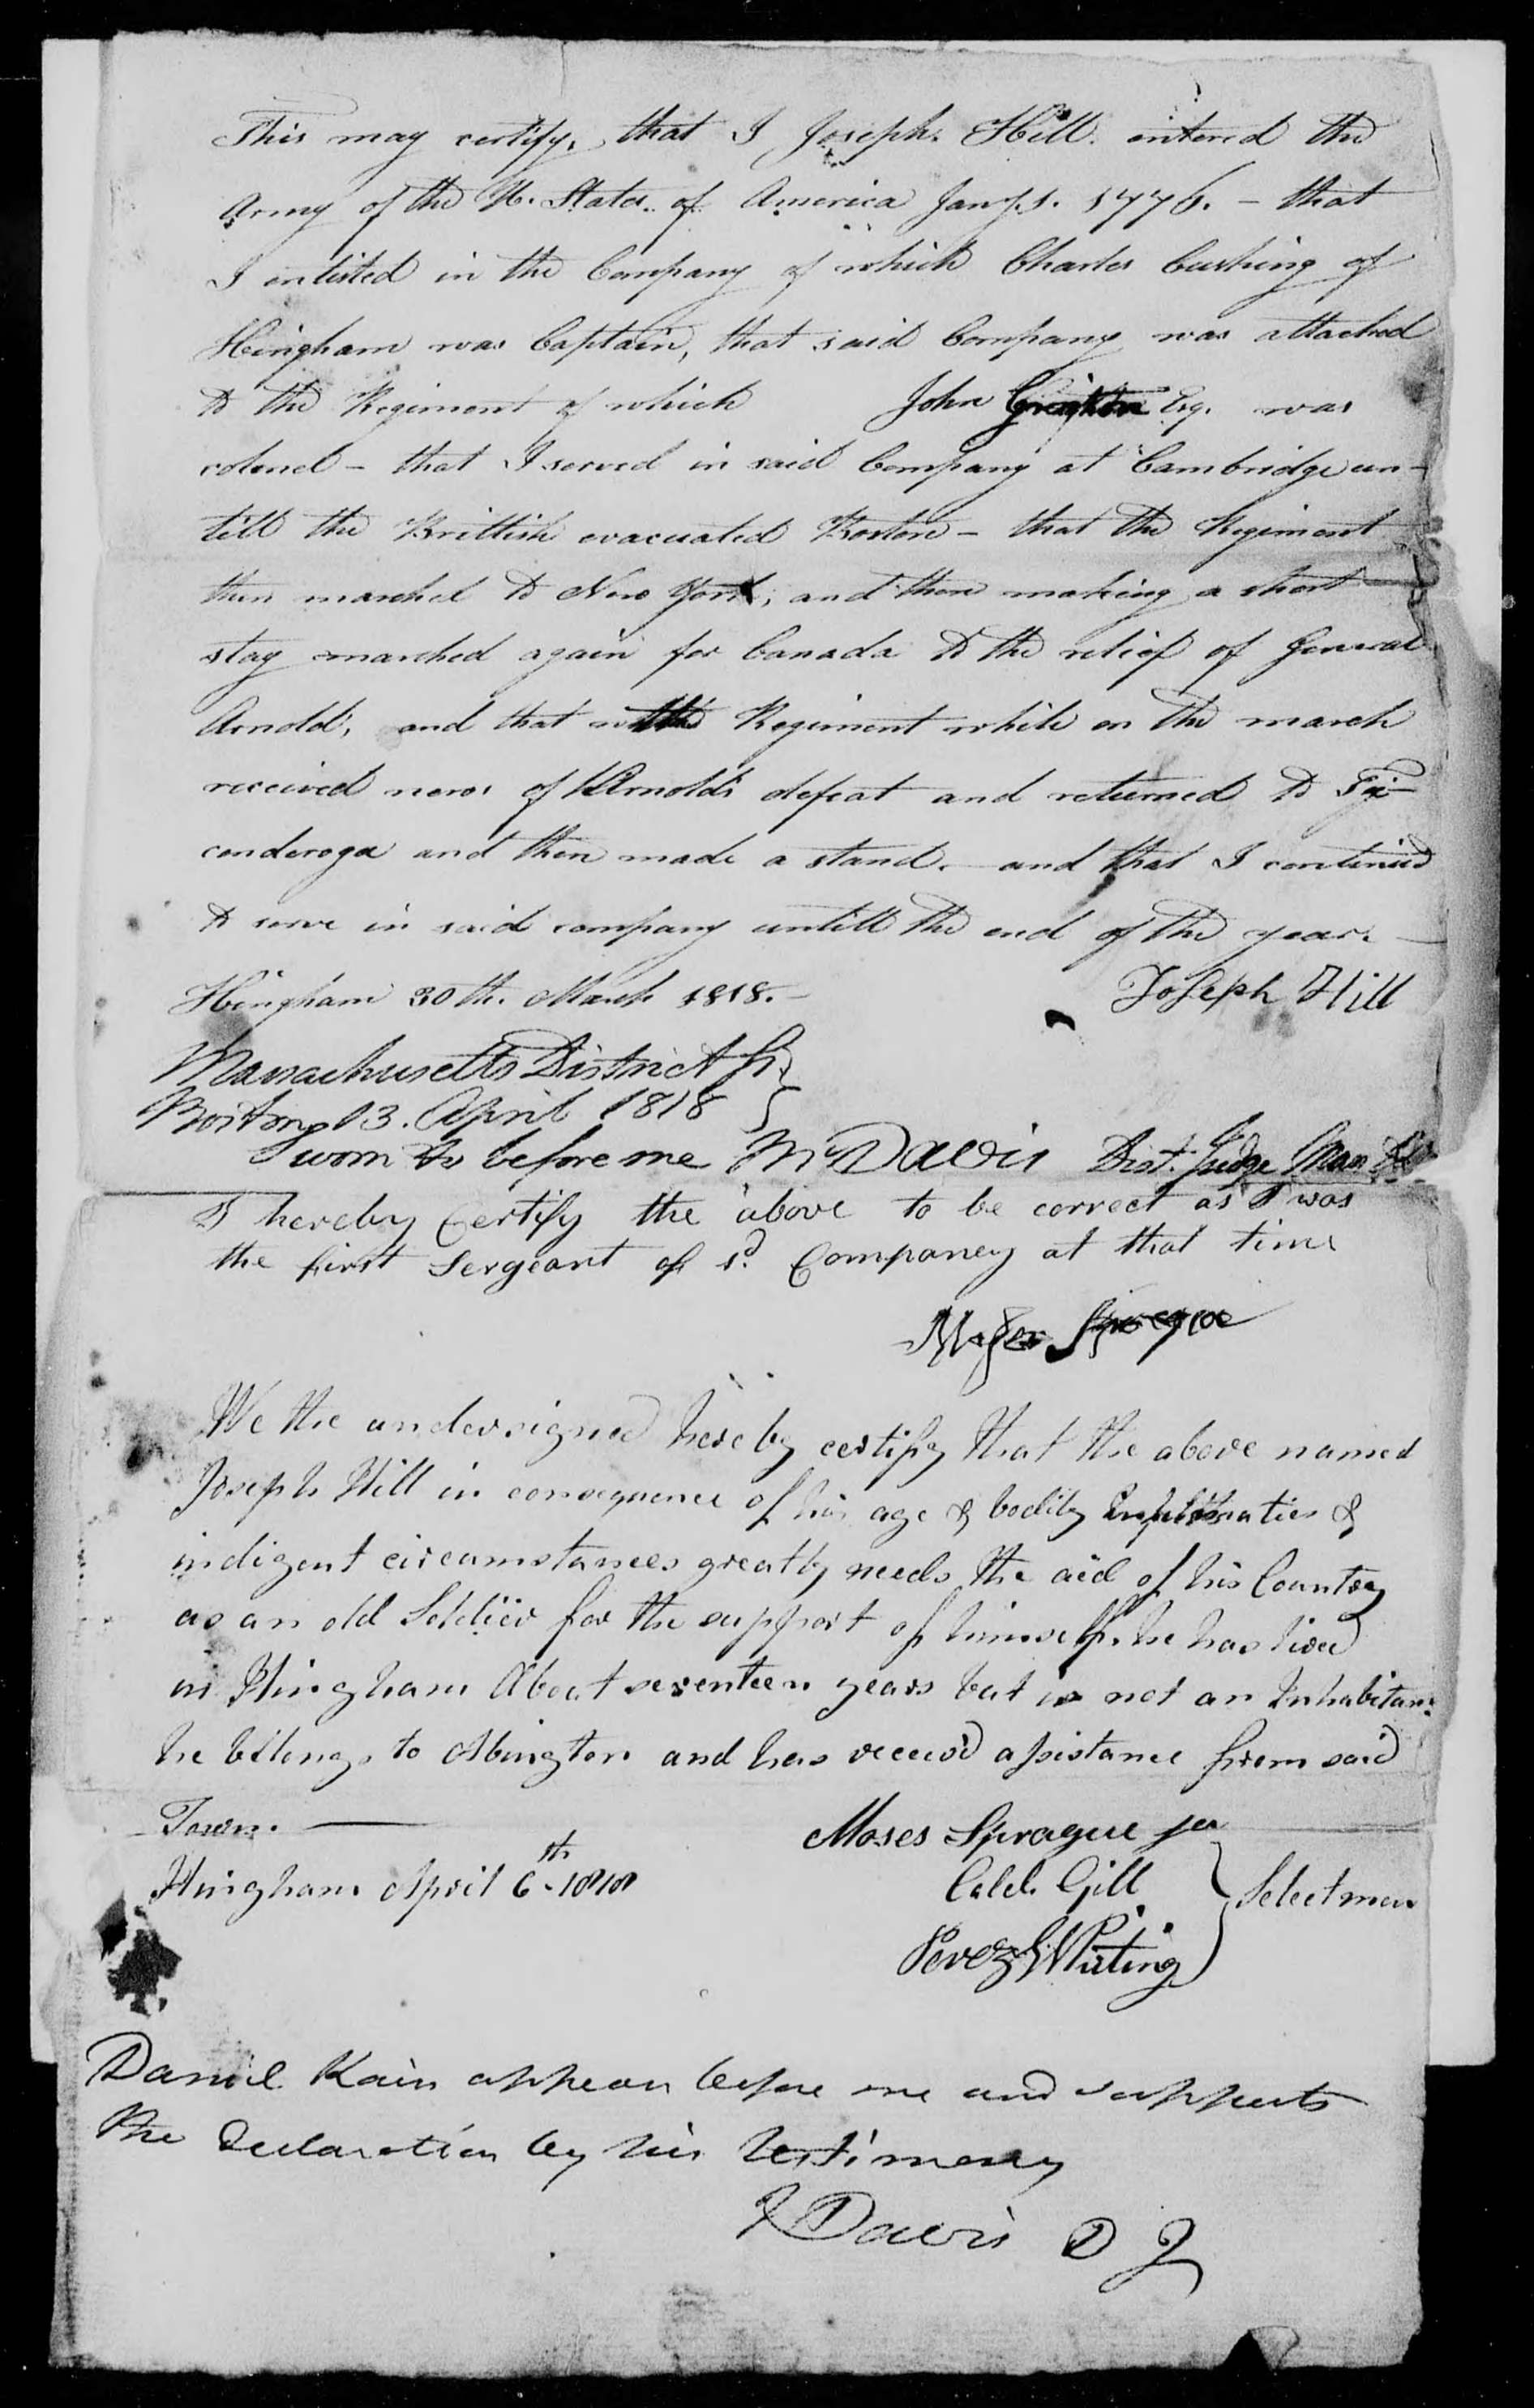This may certify that I Joseph Hill entered the Army of the U. States of America Jany 1, 1776. - that I enlisted in the Company of which Charles Cushing of Hingham was Captain, that said Company was attached to the Regiment of which John Greaton Esq. was colonel - that I served in said Company at Cambridge until the British evacuated Boston - that the regiment then marched to New York, and there making a short state marched again for Canada to the relief of General Arnold, and that such Regiment while on the march received news of Arnold's defeat and returned to Ticonderoga and then mad a stand _ and that I continued to serve in said company untill [sic] the end of the year. - 

Joseph Hill
Hingham 30th. March 1818.-

Massachusetts District Ss}
Boston 13. April 1818}
Sworn to before me, Jno Davis Dist. Judge Mass [illegible]

I hereby Certify the above to be correct as I was the first Sergeant of sd Company at that time

Moses Sprague

We the undersigned hereby certify that the above named Joseph Hill in consequence of his age & bodily infirmities & indigent circumstances greatly needs the aid of his Country as an old Soldier for the support of himself. He has lived in Hingham about seventeen years but is not an Inhabitant. He belongs to Abington and has receiv'd assistance from said Town. -

Moses Sprague Jr}
Caleb Gill} Selectmen
Perez G Whiting}

Hingham, April 6th 1818

Daniel Kain appeared before me and supports the declaration by his testimony

J Davis DJ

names: Daniel Kain, Joseph Hill, Charles Cushing, Moses Sprague, Joseph Hill, Arnold, John Greaton, Arnold, Caleb Gill, Moses Sprague, Perez G Whiting, Joseph Hill, Jno Davis, J Davis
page: 12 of 14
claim: survivor's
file: S. 3,3303, Joseph Hill, Continental (Mass.)